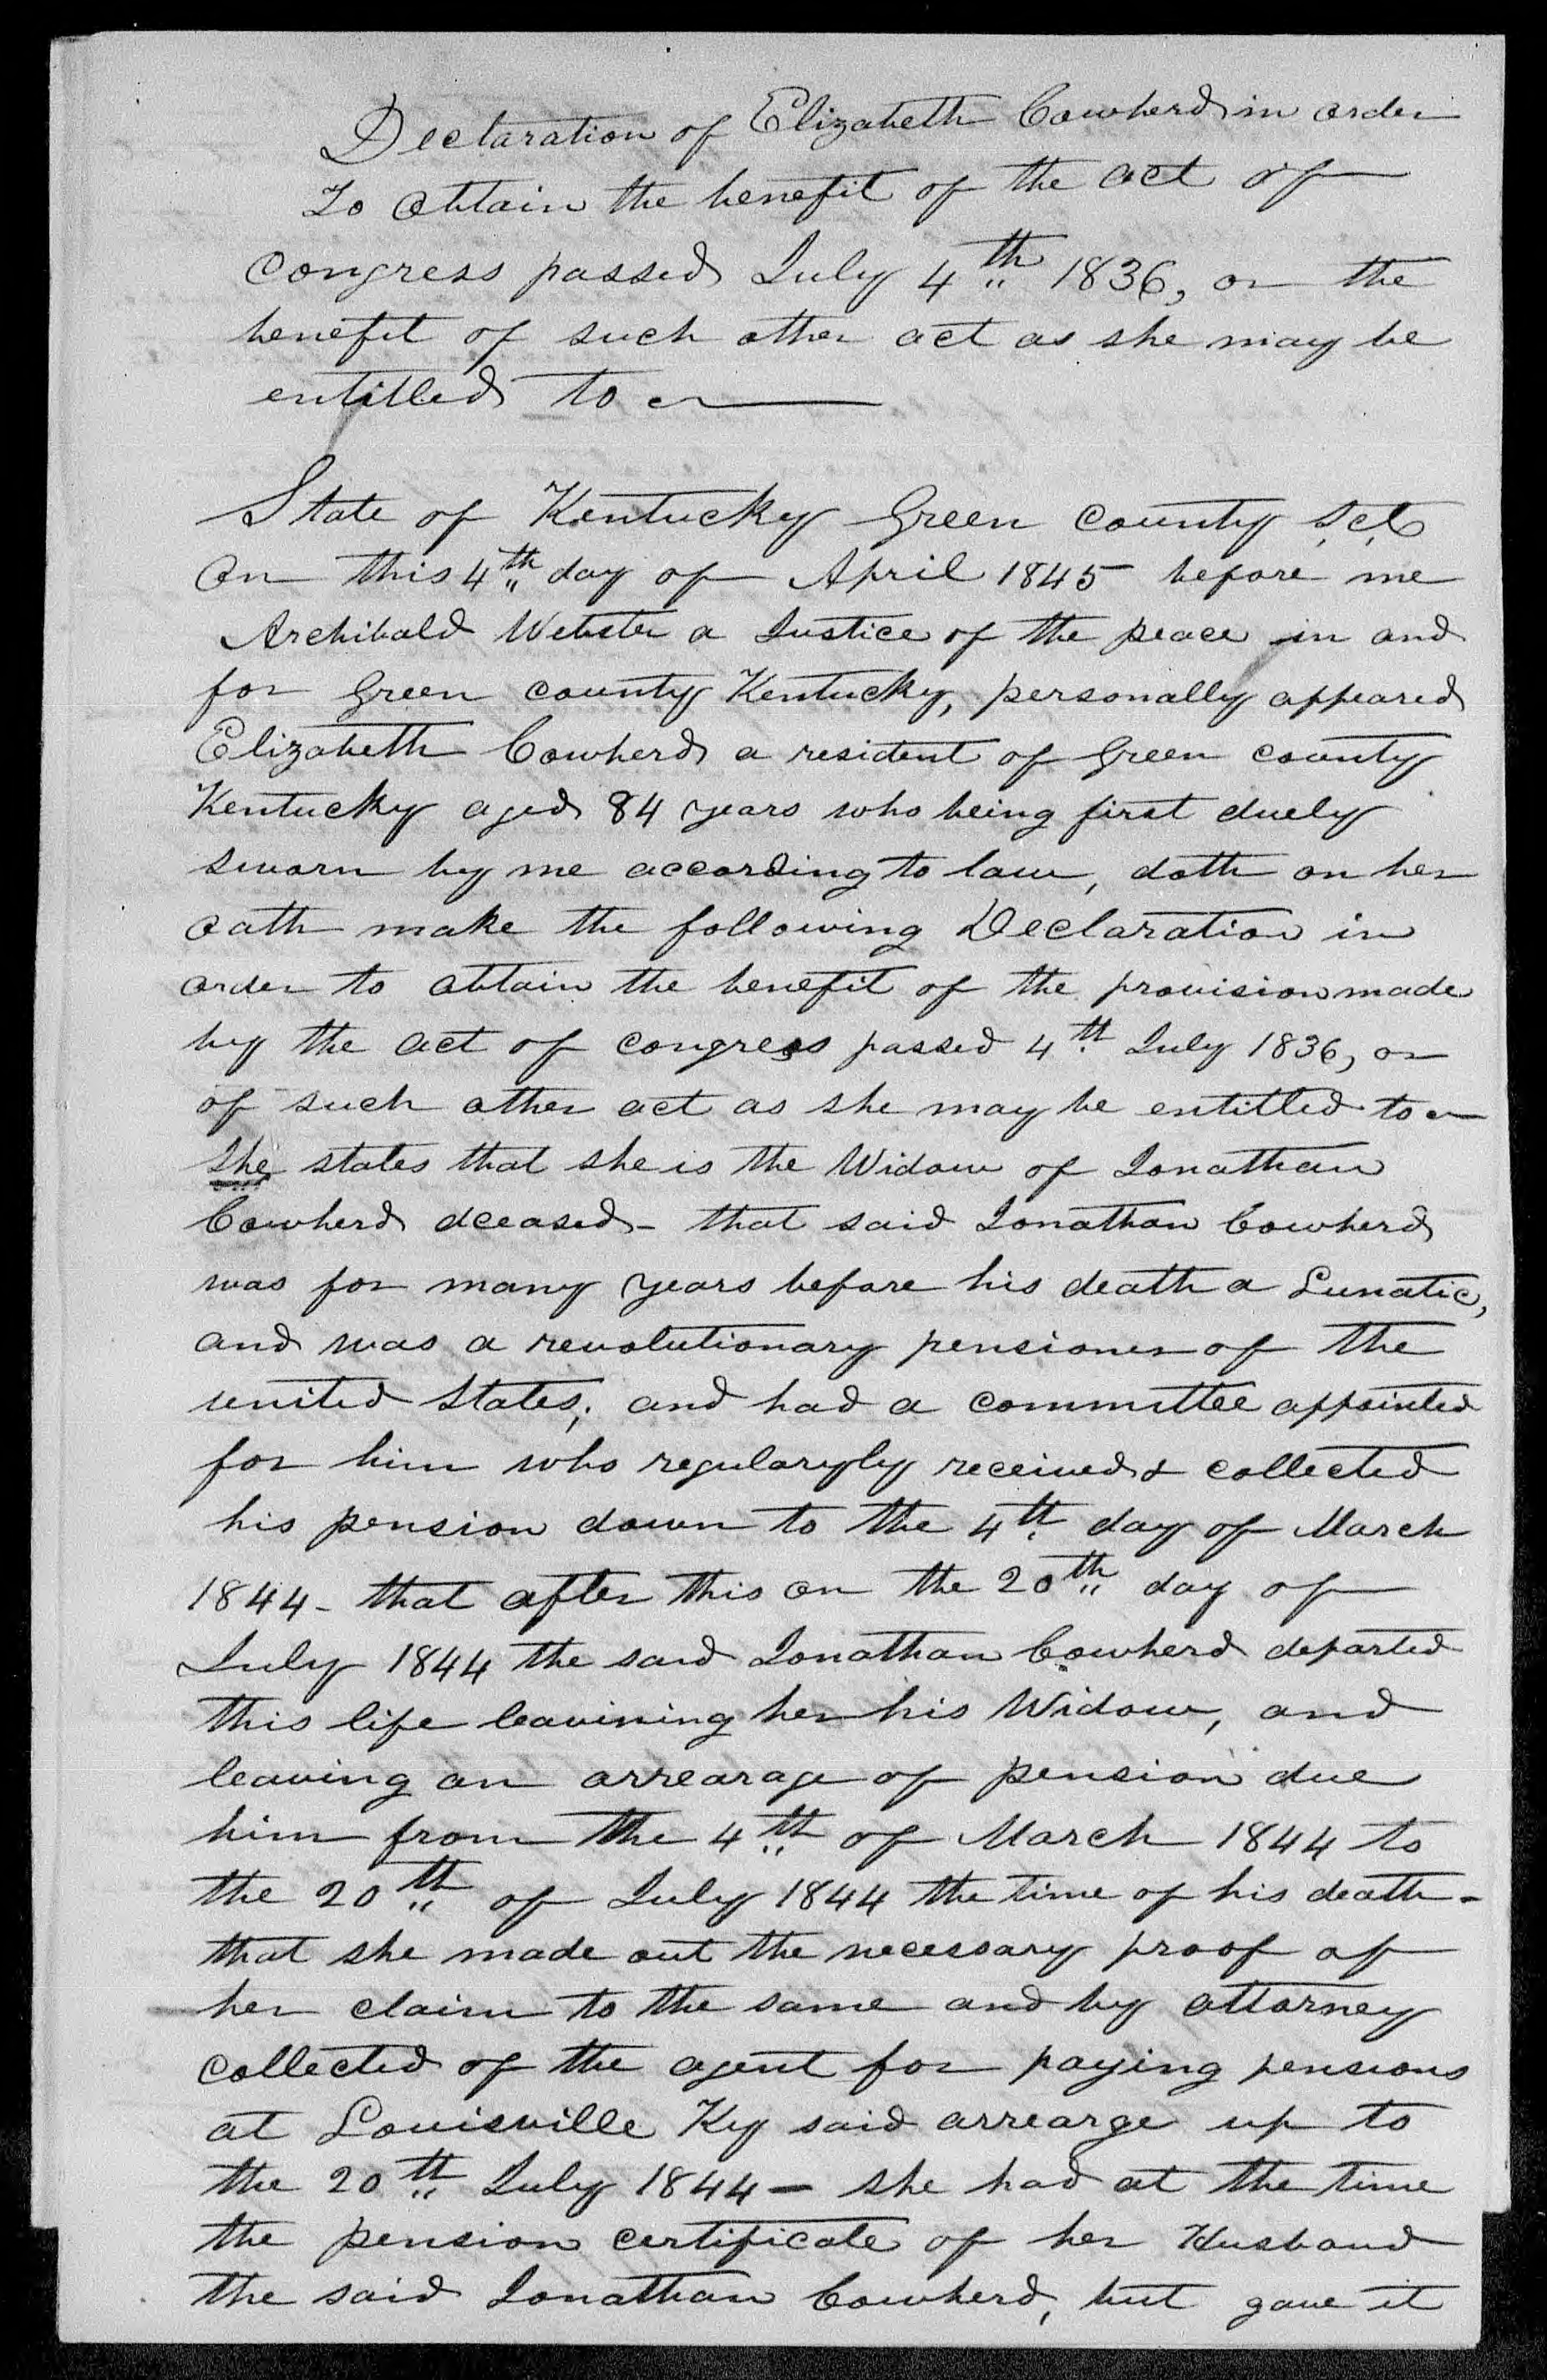Declaration of Elizabeth Cowherd in order to obtain the benefit of the act of Congress passed July 4th 1836, or the benefit of such other act as she may be entitled to

State of Kentucky Green County  acts on this 4th day of April 1845 before me Archibald Webster a Justice of the peace in and for Green County Kentucky, personally appeared Elizabeth Cowherd a resident of Green County Kentucky aged 84 years who being first duly sworn by me according to law, doth on her oath make the following Declaration in order to obtain the benefit of the provision made by the Act of Congress passed 4th July 1836, as of such other act as she may be entitled to and she states that she is the widow of Jonathan Cowherd deceased-that shad Jonathan Cowherd was for many years before his death Lunatic, and was a revolutionary pensioner of the United States, and had a committee appointed for him who regularly received & collected his pension down to the 4th day of March 1844-that after this on the 20th day of July 1844 the said Jonathan Cowherd departed this life leaving her his widow, and leaving an arrearage of pension due him from the 4th of March 1844 to the 20th of July 1844 the time of his death that she made out the necessary proof of her claim to the same and by attorney collected of the agent for paying pensionsat Louisville, Ky said arrearage  up to the 20th July 1844-she had at the time the pension certificate of the husband the said Jonathan Cowherd, but gave it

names: Archibald Webster, Jonathan Cowherd, Elizabeth Cowherd, Jonathan Cowherd, Jonathan Cowherd, Jonathan Cowherd, Elizabeth Cowherd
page: 8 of 46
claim: widow's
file: W 8619, Jonathan Cowherd, Va.